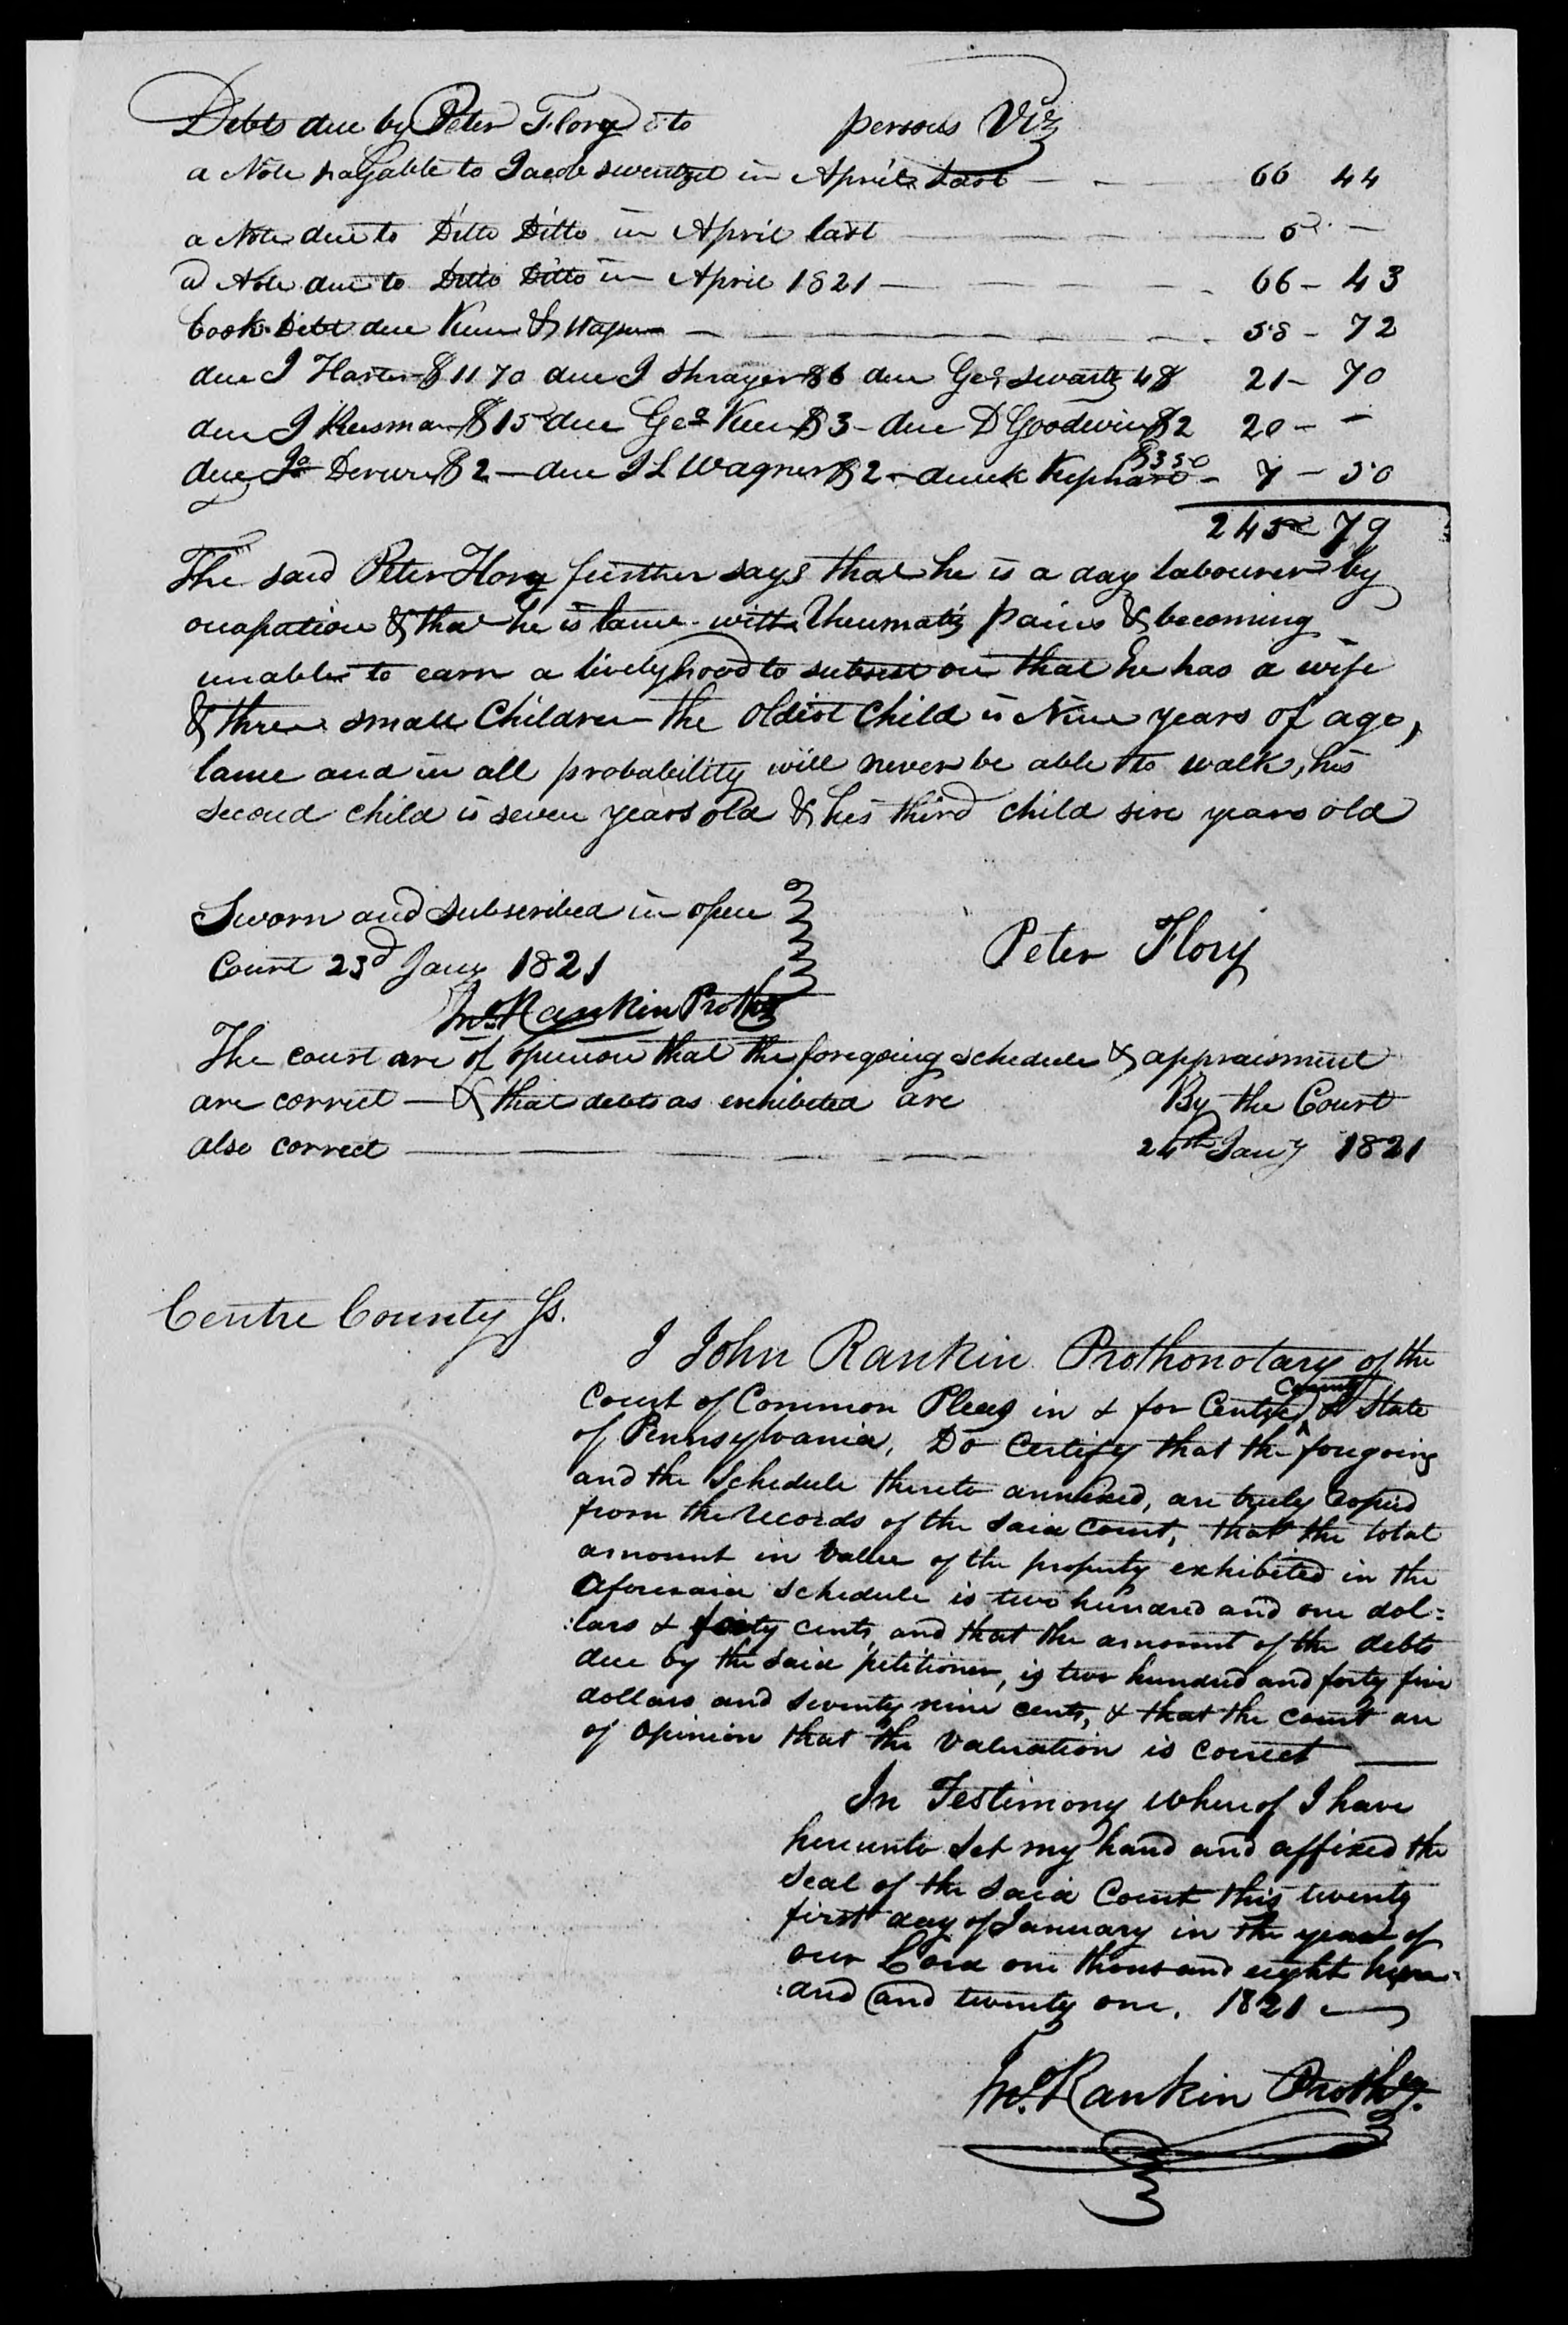Debts due by Peter Flory to persons Viz
a note payable to Jacob Swentzel in April last 66 44 a Note due to Jacob Swentzel in April last 62.- a Note due to Jacob Swentzel in April 1821 66-43 
book debt due Kevin F Hasseron 58-72
due I Hartson $11 70 due I Shrayer $6 due Geo Swartz 4$  21-70
due I Keeson $15 due Geo Keer $3-due D Goodwin $2  20-
due Jo Devery $2 - Due I L Wagner $2 - Due ck Kephard $3 50 - 7.50
 245.79
The said Peter Flory further says that he is a day labourer by occupation and that he is taken with Rheumatic pain and is becoming unable to earn a livelyhood to subsist on that he has a wife and three small children the oldest child is nine years of age, lame an in all probability will never be able to walk, his second child is seven years old and his third child is six years old
Sworn and subscribed in open Court 23d Jan 1821 John Rankin Prothonotary "Peter Flory"
The court are of opinion that this foregoing schedule and appraisment that debs as contirbuted are also correct
By the Court 24th Jany 1821
Centre County ss.
I John Rankin Prothonotary of the Court of Common Pleas in and for Centre County , State of Pennsylvania, Do certify that the foregoing and the Schedule thereto annexed, are truly copied from the records of the said court, that the total amount in balance of the property exhibited in  the aforesaid schedule is two hundred and one dol-lars and forty cents, and that the amount of the debts due by the said petitioner is two hundred and forty five dollars and seventy nine cents, and that the court an of opinion that the valuation is correct
In testimony whereof I have hereunto set my hand and affixed the seal of the said Court this twenty first day of January in the year of our Lord one thousand eight hundred and twenty one. 1821 Jn Rankin Prothonotary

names: Jno Rankin, D Goodwin, John Rankin, Geo Keen, J Reesman, Peter Flory, Jacob Swentzel, Jno Rankin, Jo Derwin, Keephart, Geo Swartz, Peter Flory, Peter Flory, J L Wagner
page: 10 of 11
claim: survivor's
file: S. 42,197, Peter Flory, Penn.